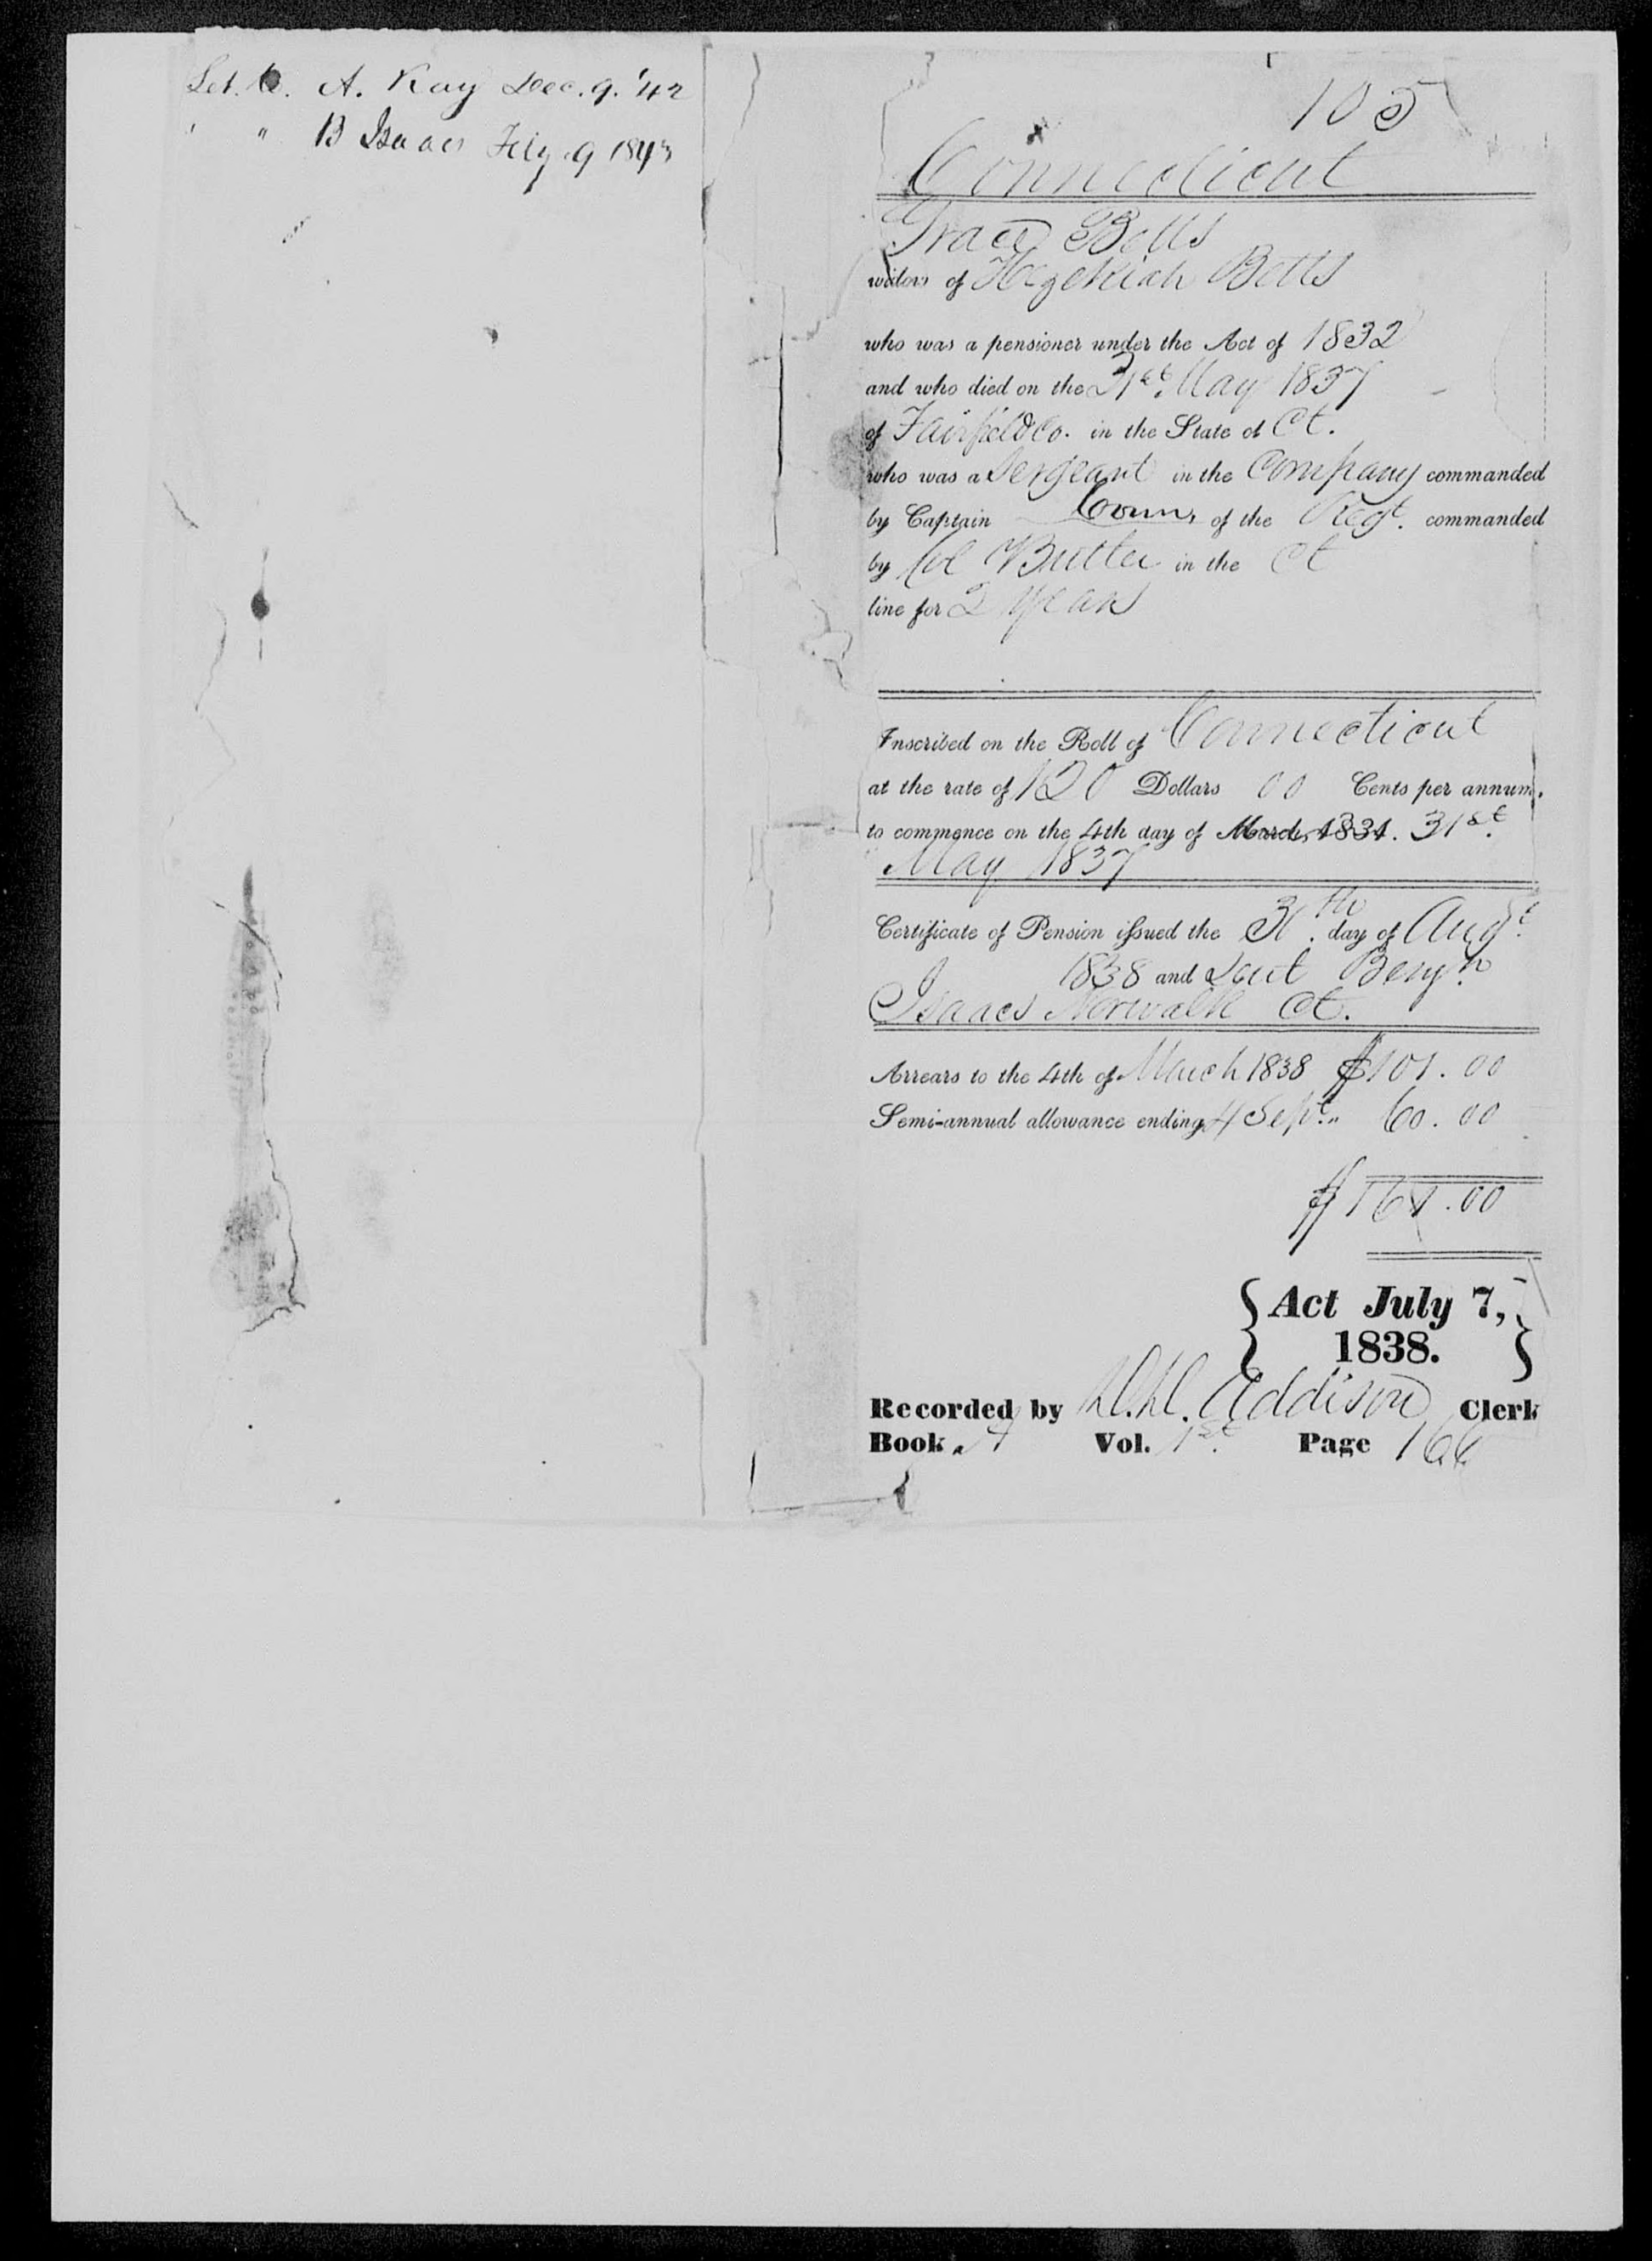Let. to A. Ray Dec. 9 '42
"     " B Isaacs Feby 9 1843

105
Connecticut
Grace Betts
widow of Hezekiah Betts
who was a pensioner under the Act of 1832
and who died on the 31st May 1837
of Fairfield Co. in the State of Ct.
who was a Sergeant in the company commanded
by Captain --- Conn, of the Regt commanded
by Col Butler in the Ct
line for 2 years.

Inscribed on the Roll of Connecticut
at the rate of 120 Dollars 00 Cents per annum,
to commence on the 31st day of May 1837.

Certificate of Pension issued the 31st day of Augt 1838 and sent Bejn Isaacs, Norwalk Ct.

Arrears to the 4th of March 1838   $101.00
Semi-annual allowance ending 4 Sept " 60.00
                                           ----------------------
                                                       $161.00
{Act July 7, 1838}
Recorded by D. D. Addison Clerk
Book A  Vol. 1st  Page 166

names: Hezekiah Betts, A Ray, B Isaacs, Grace Betts, Benjn Isaacs, D D Addison, Butler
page: 11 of 61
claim: widow's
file: W. 29,929, Hezekiah Betts, Conn.